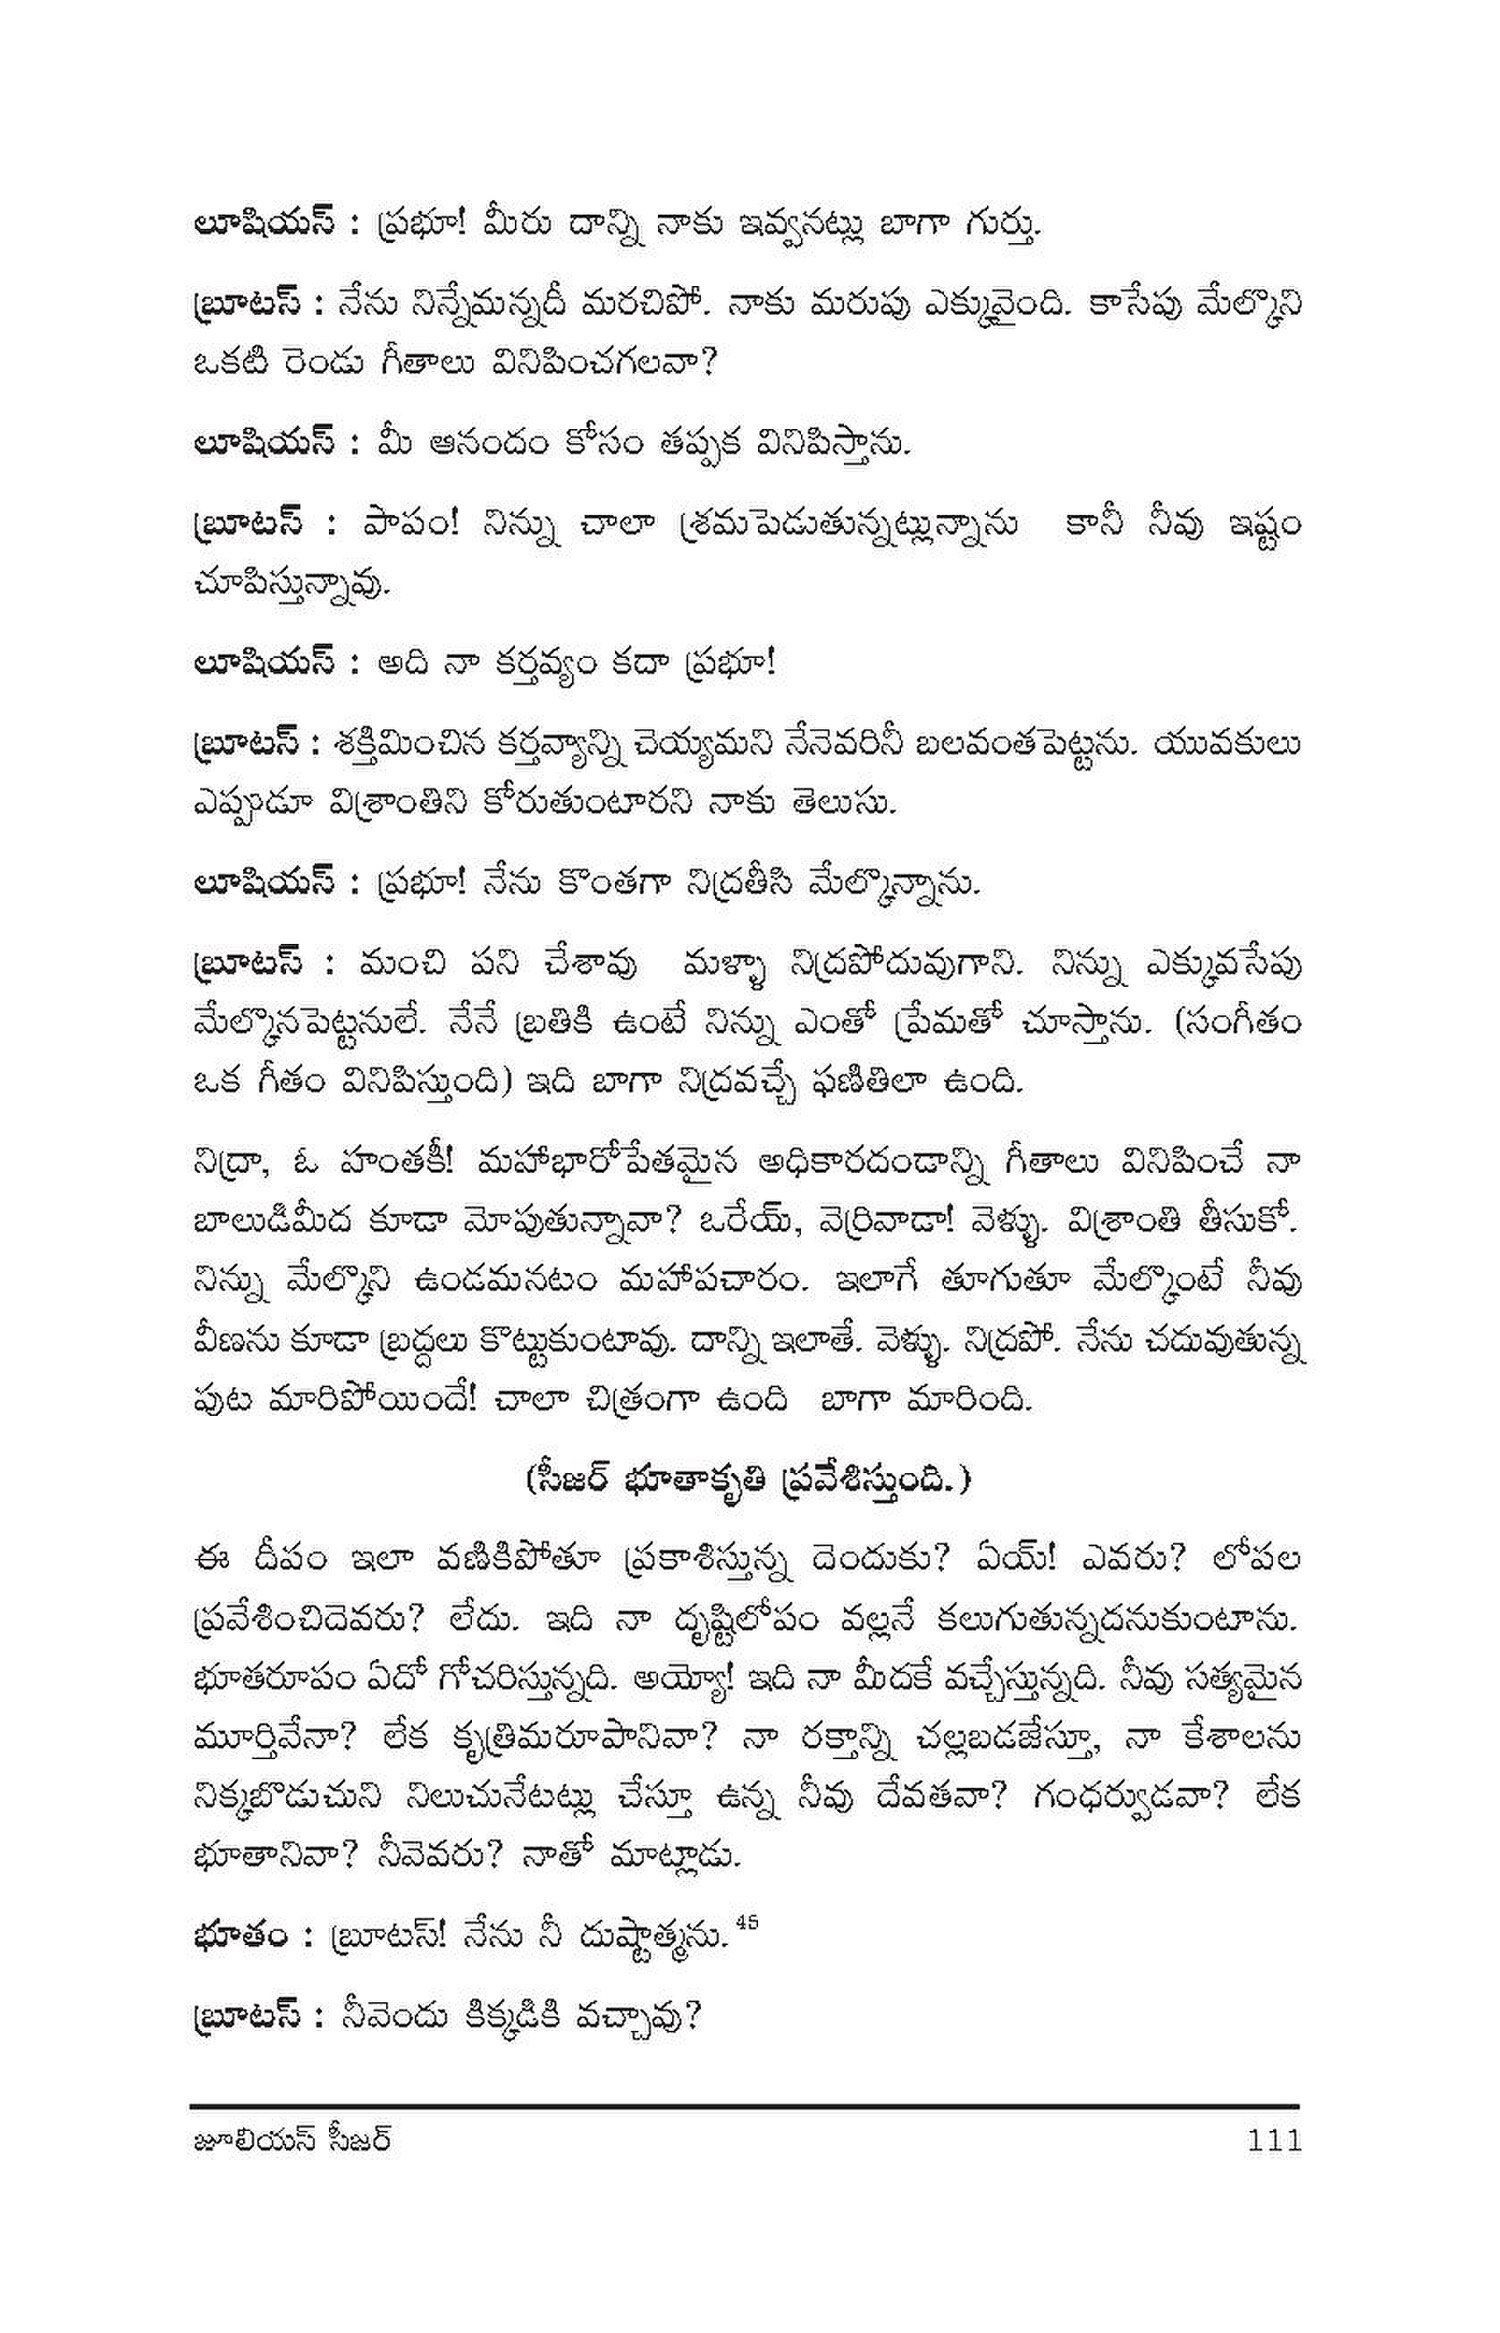లూషియస్ : ప్రభూ! మీరు దాన్ని నాకు ఇవ్వనట్లు బాగా గుర్తు.

బ్రూటస్ : నేను నిన్నేమన్నదీ మరచిపో. నాకు మరుపు ఎక్కువైంది. కాసేపు మేల్కొని ఒకటి రెండు గీతాలు వినిపించగలవా?

లూషియస్ : మీ ఆనందం కోసం తప్పక వినిపిస్తాను.

బ్రూటస్ : పాపం! నిన్ను చాలా శ్రమ పెడుతున్నట్లున్నాను కానీ నీవు ఇష్టం చూపిస్తున్నావు.

లూషియస్ : అది నా కర్తవ్యం కదా ప్రభూ!

బ్రూటస్ : శక్తిమించిన కర్తవ్యాన్ని చెయ్యమని నేనెవరినీ బలవంతపెట్టను. యువకులు ఎప్పుడూ విశ్రాంతిని కోరుతుంటారని నాకు తెలుసు.

లూషియస్ : ప్రభూ! నేను కొంతగా నిద్రతీసి మేల్కొన్నాను.

బ్రూటస్ : మంచి పని చేశావు మళ్ళా నిద్రపోదువుగాని. నిన్ను ఎక్కువసేపు మేల్కొనపెట్టనులే. నేనే బ్రతికి ఉంటే నిన్ను ఎంతో ప్రేమతో చూస్తాను. (సంగీతం ఒక గీతం వినిపిస్తుంది) ఇది బాగా నిద్రవచ్చే ఫణితిలా ఉంది.

నిద్రా, ఓ హంతకీ! మహాభారోపేతమైన అధికారదండాన్ని గీతాలు వినిపించే నా బాలుడిమీద కూడా మోపుతున్నావా? ఒరేయ్, వెర్రివాడా! వెళ్ళు. విశ్రాంతి తీసుకో. నిన్ను మేల్కొని ఉండమనటం మహాపచారం. ఇలాగే తూగుతూ మేల్కొంటే నీవు వీణను కూడా బ్రద్దలు కొట్టుకుంటావు. దాన్ని ఇలాతే. వెళ్ళు. నిద్రపో, నేను చదువుతున్న పుట మారిపోయిందే! చాలా చిత్రంగా ఉంది బాగా మారింది.

ఈ దీపం ఇలా వణికిపోతూ ప్రకాశిస్తున్న దెందుకు? ఏయ్! ఎవరు? లోపల ప్రవేశించిదెవరు? లేదు. ఇది నా దృష్టిలోపం వల్లనే కలుగుతున్నదనుకుంటాను. భూతరూపం ఏదో గోచరిస్తున్నది. అయ్యో! ఇది నా మీదకే వచ్చేస్తున్నది. నీవు సత్యమైన మూర్తివేనా? లేక కృత్రిమరూపానివా? నా రక్తాన్ని చల్లబడజేస్తూ, నా కేశాలను నిక్కబొడుచుని నిలుచునేటట్లు చేస్తూ ఉన్న నీవు దేవతవా? గంధర్వుడవా? లేక భూతానివా? నీవెవరు? నాతో మాట్లాడు.

భూతం : బ్రూటస్! నేను నీ దుష్టాత్మను.

బ్రూటస్ : నీవెందు కిక్కడికి వచ్చావు?